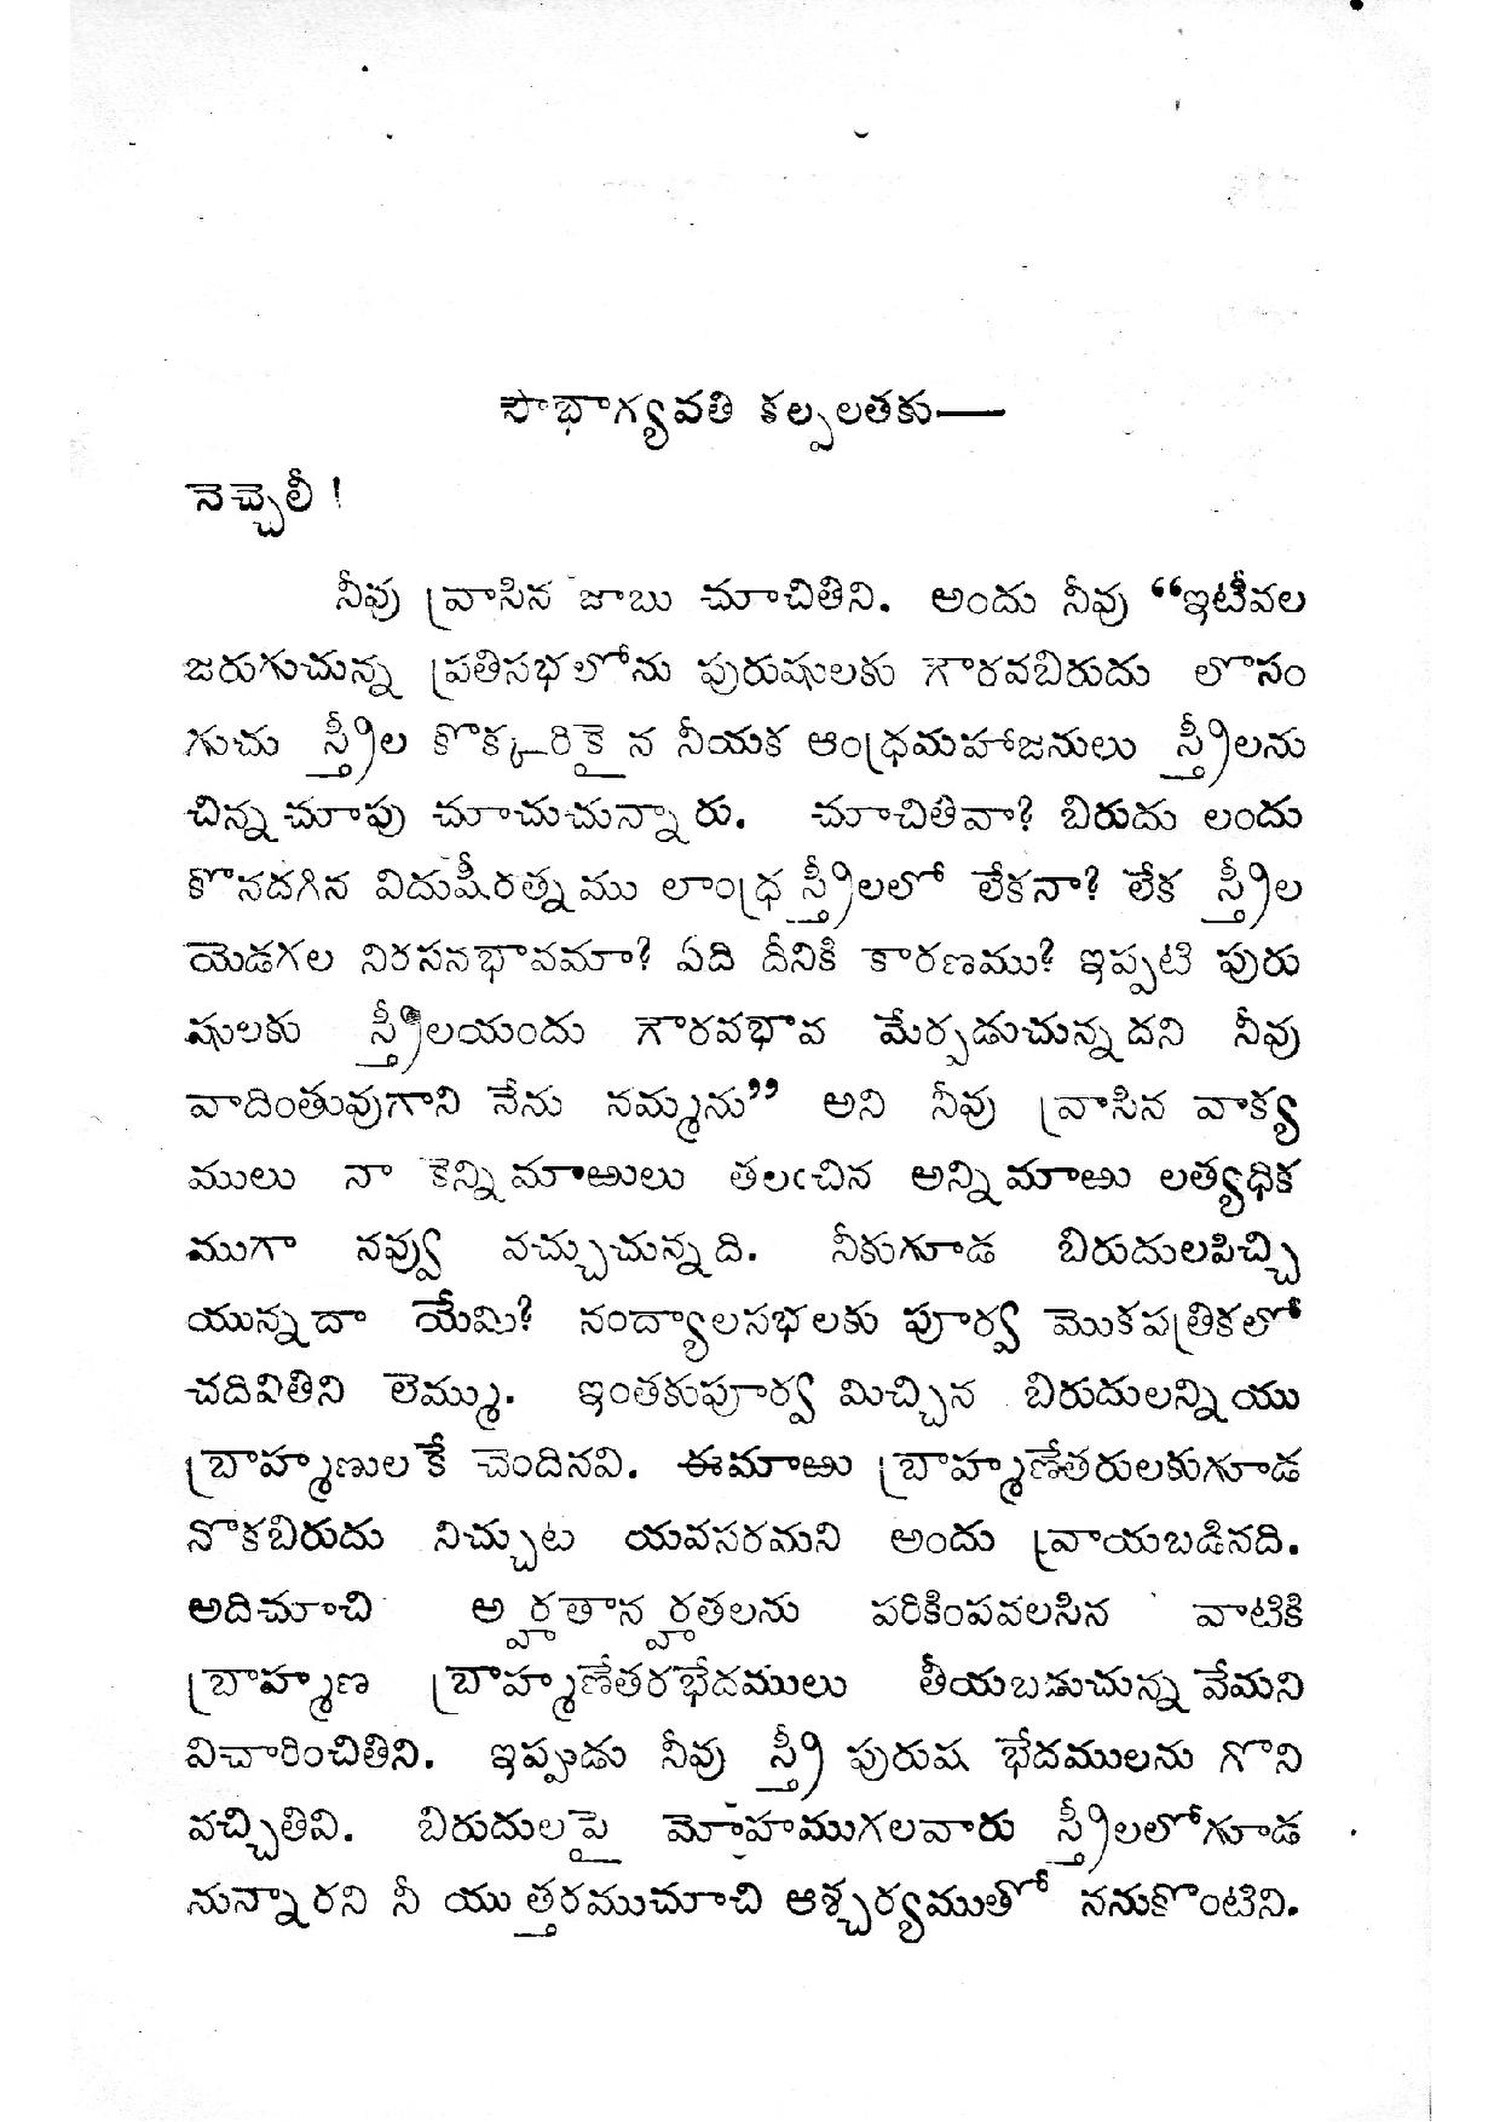నెచ్చెలీ !

నీవు వ్రాసిన జాబు చూచితిని. అందు నీవు “ఇటీవల జరుగుచున్న ప్రతిసభలోను పురుషులకు గౌరవబిరుదు లొసంగుచు స్త్రీల కొక్కరికైన నీయక ఆంధ్రమహాజనులు స్త్రీలను చిన్న చూపు చూచుచున్నారు. చూచితివా? బిరుదు లందు కొనదగిన విదుషీరత్నము లాంధ్రస్త్రీలలో లేకనా? లేక స్త్రీల యెడగల నిరసనభావమా? ఏది దీనికి కారణము? ఇప్పటి పురుషులకు స్త్రీలయందు గౌరవభావ మేర్పడుచున్నదని నీవు వాదింతువుగాని నేను నమ్మను” అని నీవు వ్రాసిన వాక్యములు నా కెన్నిమాఱులు తలఁచిన అన్నిమాఱు లత్యధికముగా నవ్వు వచ్చుచున్నది. నీకుగూడ బిరుదులపిచ్చి యున్నదా యేమి? నంద్యాలసభలకు పూర్వ మొకపత్రికలో చదివితిని లెమ్ము. ఇంతకుపూర్వ మిచ్చిన బిరుదులన్నియు
బ్రాహ్మణులకే చెందినవి. ఈమాఱు బ్రాహ్మణేతరులకుగూడ నొకబిరుదు నిచ్చుట యవసరమని అందు వ్రాయబడినది. అదిచూచి అర్హతానర్హతలను పరికింపవలసిన వాటికి బ్రాహ్మణ బ్రాహ్మణేతరభేదములు తీయబడుచున్న వేమని విచారించితిని. ఇప్పుడు నీవు స్త్రీ పురుష భేదములను గొనివచ్చితివి. బిరుదులపై మోహముగలవారు స్త్రీలలోగూడ నున్నారని నీ యుత్తరముచూచి ఆశ్చర్యముతో ననుకొంటిని.